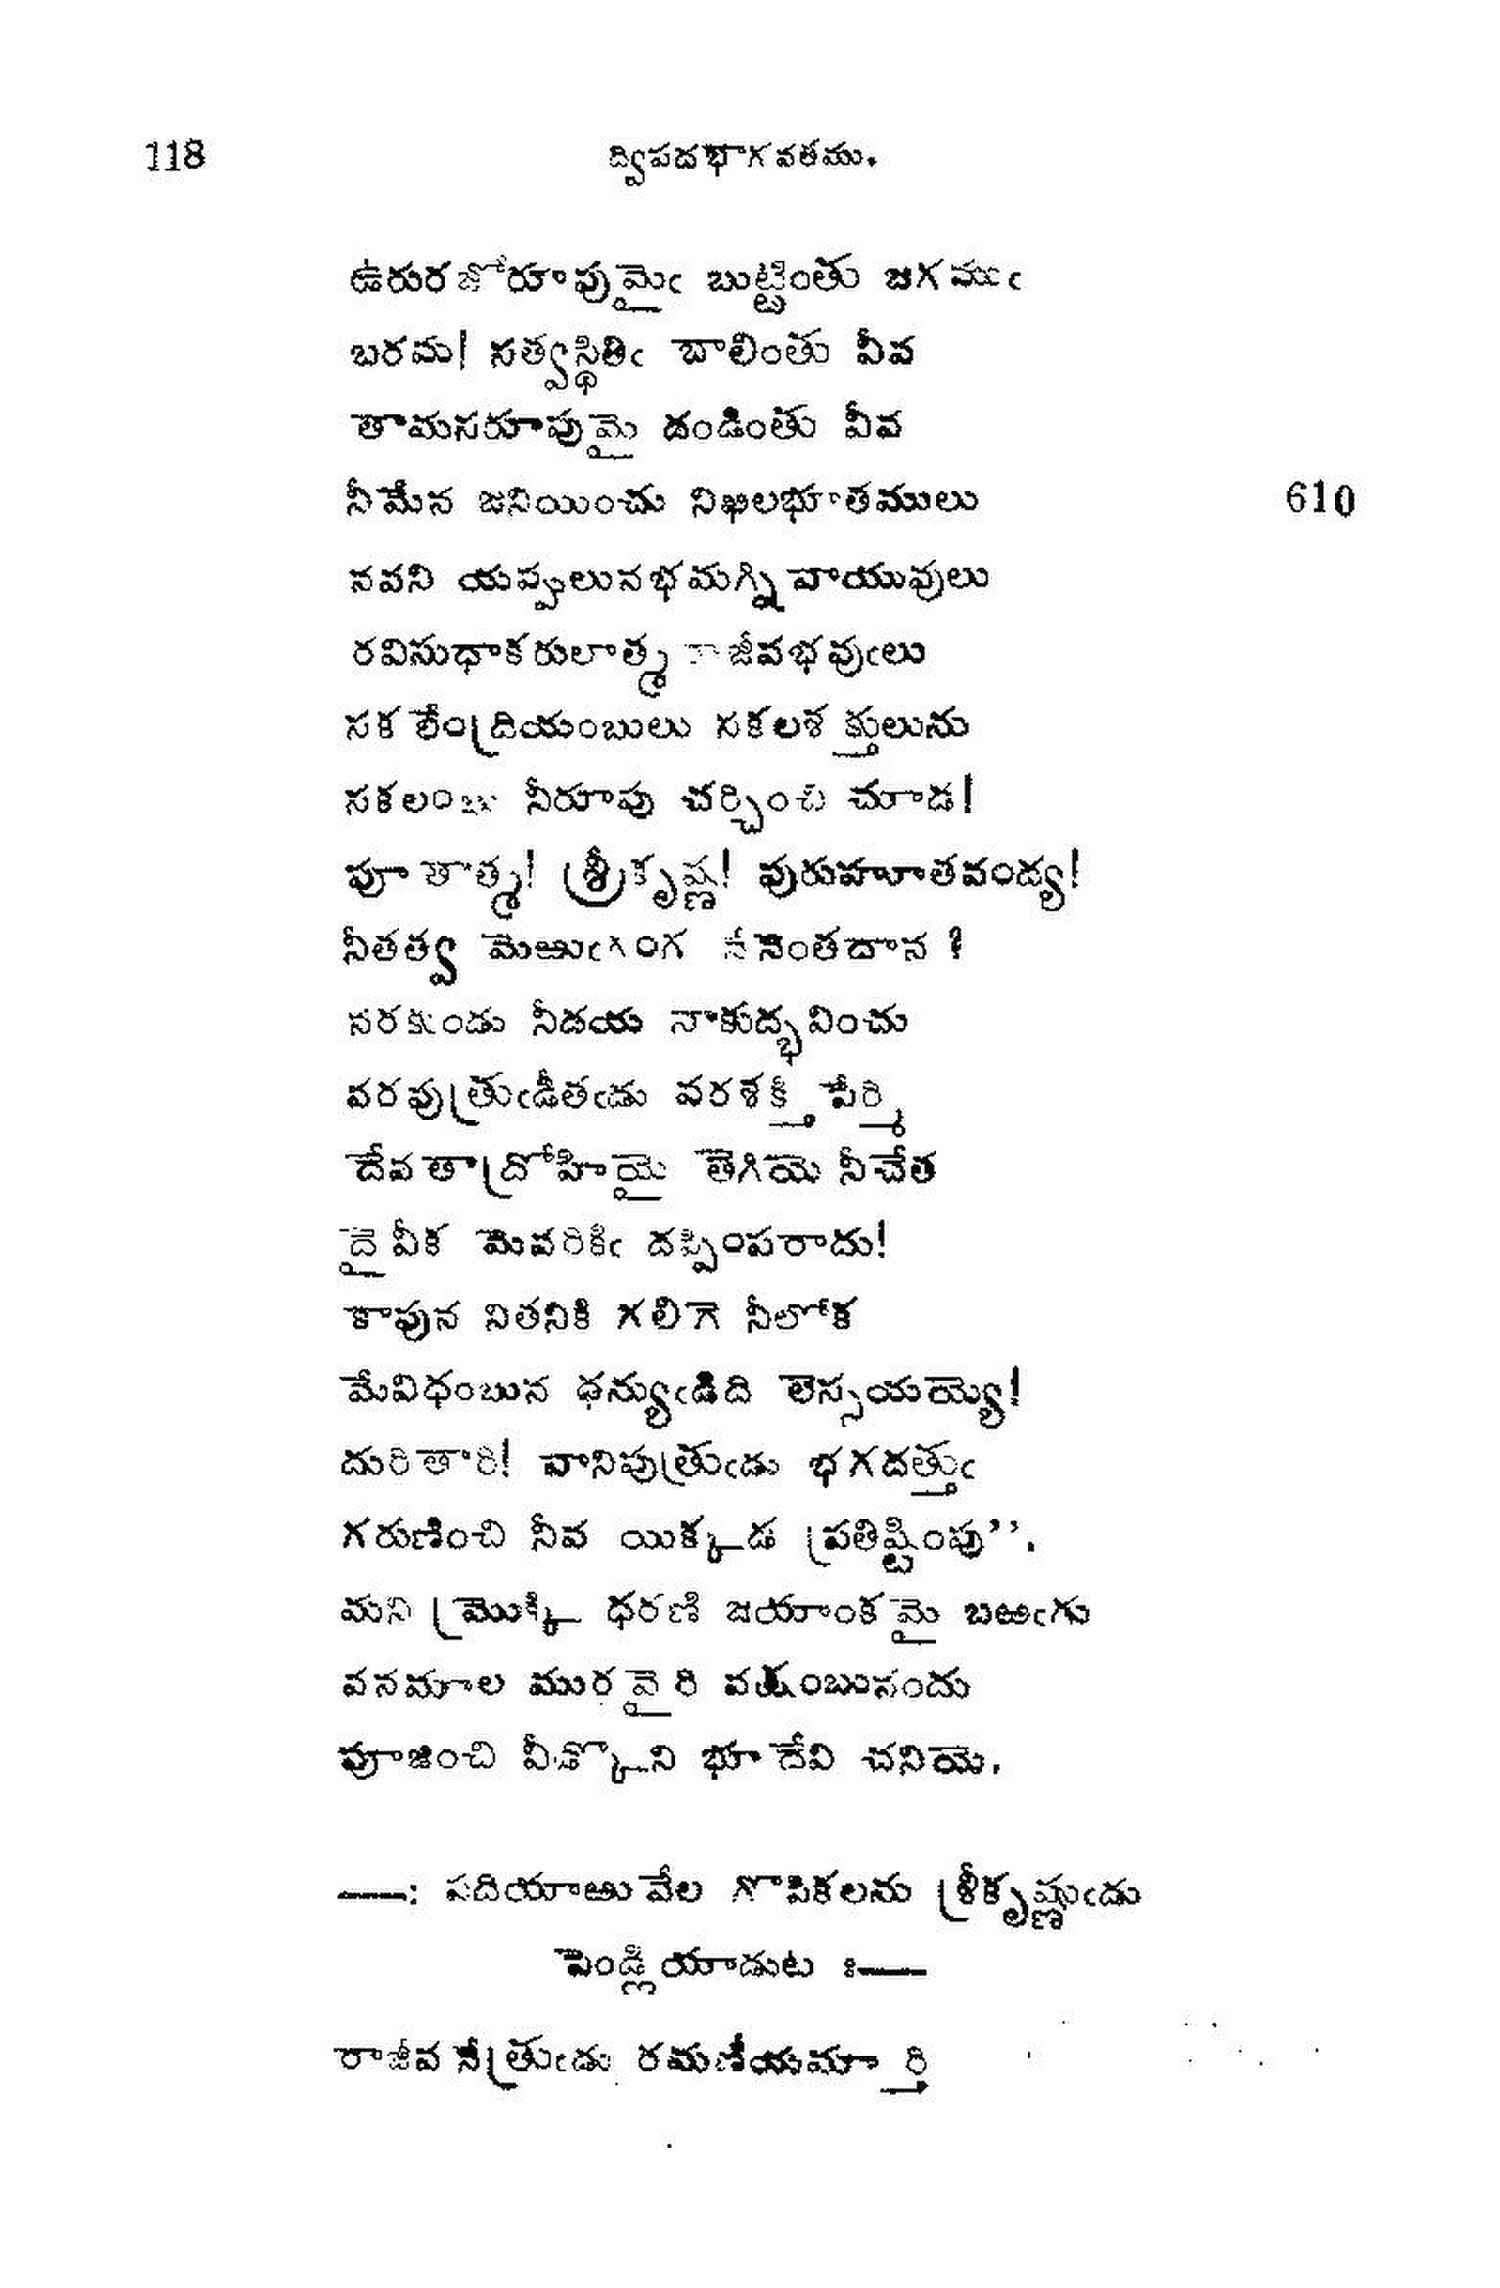ఉరురజోరూపుమైఁ బుట్టింతు జగముఁ
బరమ! సత్వస్థితిఁ బాలింతు వీవ
తామసరూపుమై దండింతు వీవ
నీమేన జనియించు నిఖిలభూతములు 
నవని యప్పులునభమగ్ని వాయువులు
రవిసుధాకరులాత్మ రాజీవభవులుఁ
సకలేంద్రియంబులు సకలశక్తులును
సకలంబు నీరూపు చర్చించి చూడ! 
పూతాత్మ! శ్రీకృష్ణ! పురుహూతవంద్య! 
నీ తత్వమెఱుఁగంగ నేనెంతదాన? 
నరకుండు నీ దయ నాకుద్భవించు
వరపుత్రుఁడీతఁడు వరశక్తి పేర్మి
దేవతాద్రోహియై తెగియె నీచేత
దైవీక మెవరికిఁ దప్పింపరాదు! 
కావున నితనికి గలిగె నీలోక
మేవిధంబున ధన్యుఁడిది లెస్సయయ్యె! 
దురితారి! వానిపుత్రుఁడు భగదత్తుఁ
గరుణించి నీవ యిక్కడ ప్రతిష్టింపు”, 
మని మ్రొక్కి ధరణి జయాంకమై బఱఁగు
వనమాల మురవైరి వక్షంబునందు 
పూజించి వీడ్కొని భూదేవి చనియె.

రాజీవనేత్రుఁడు రమణీయమూర్తి